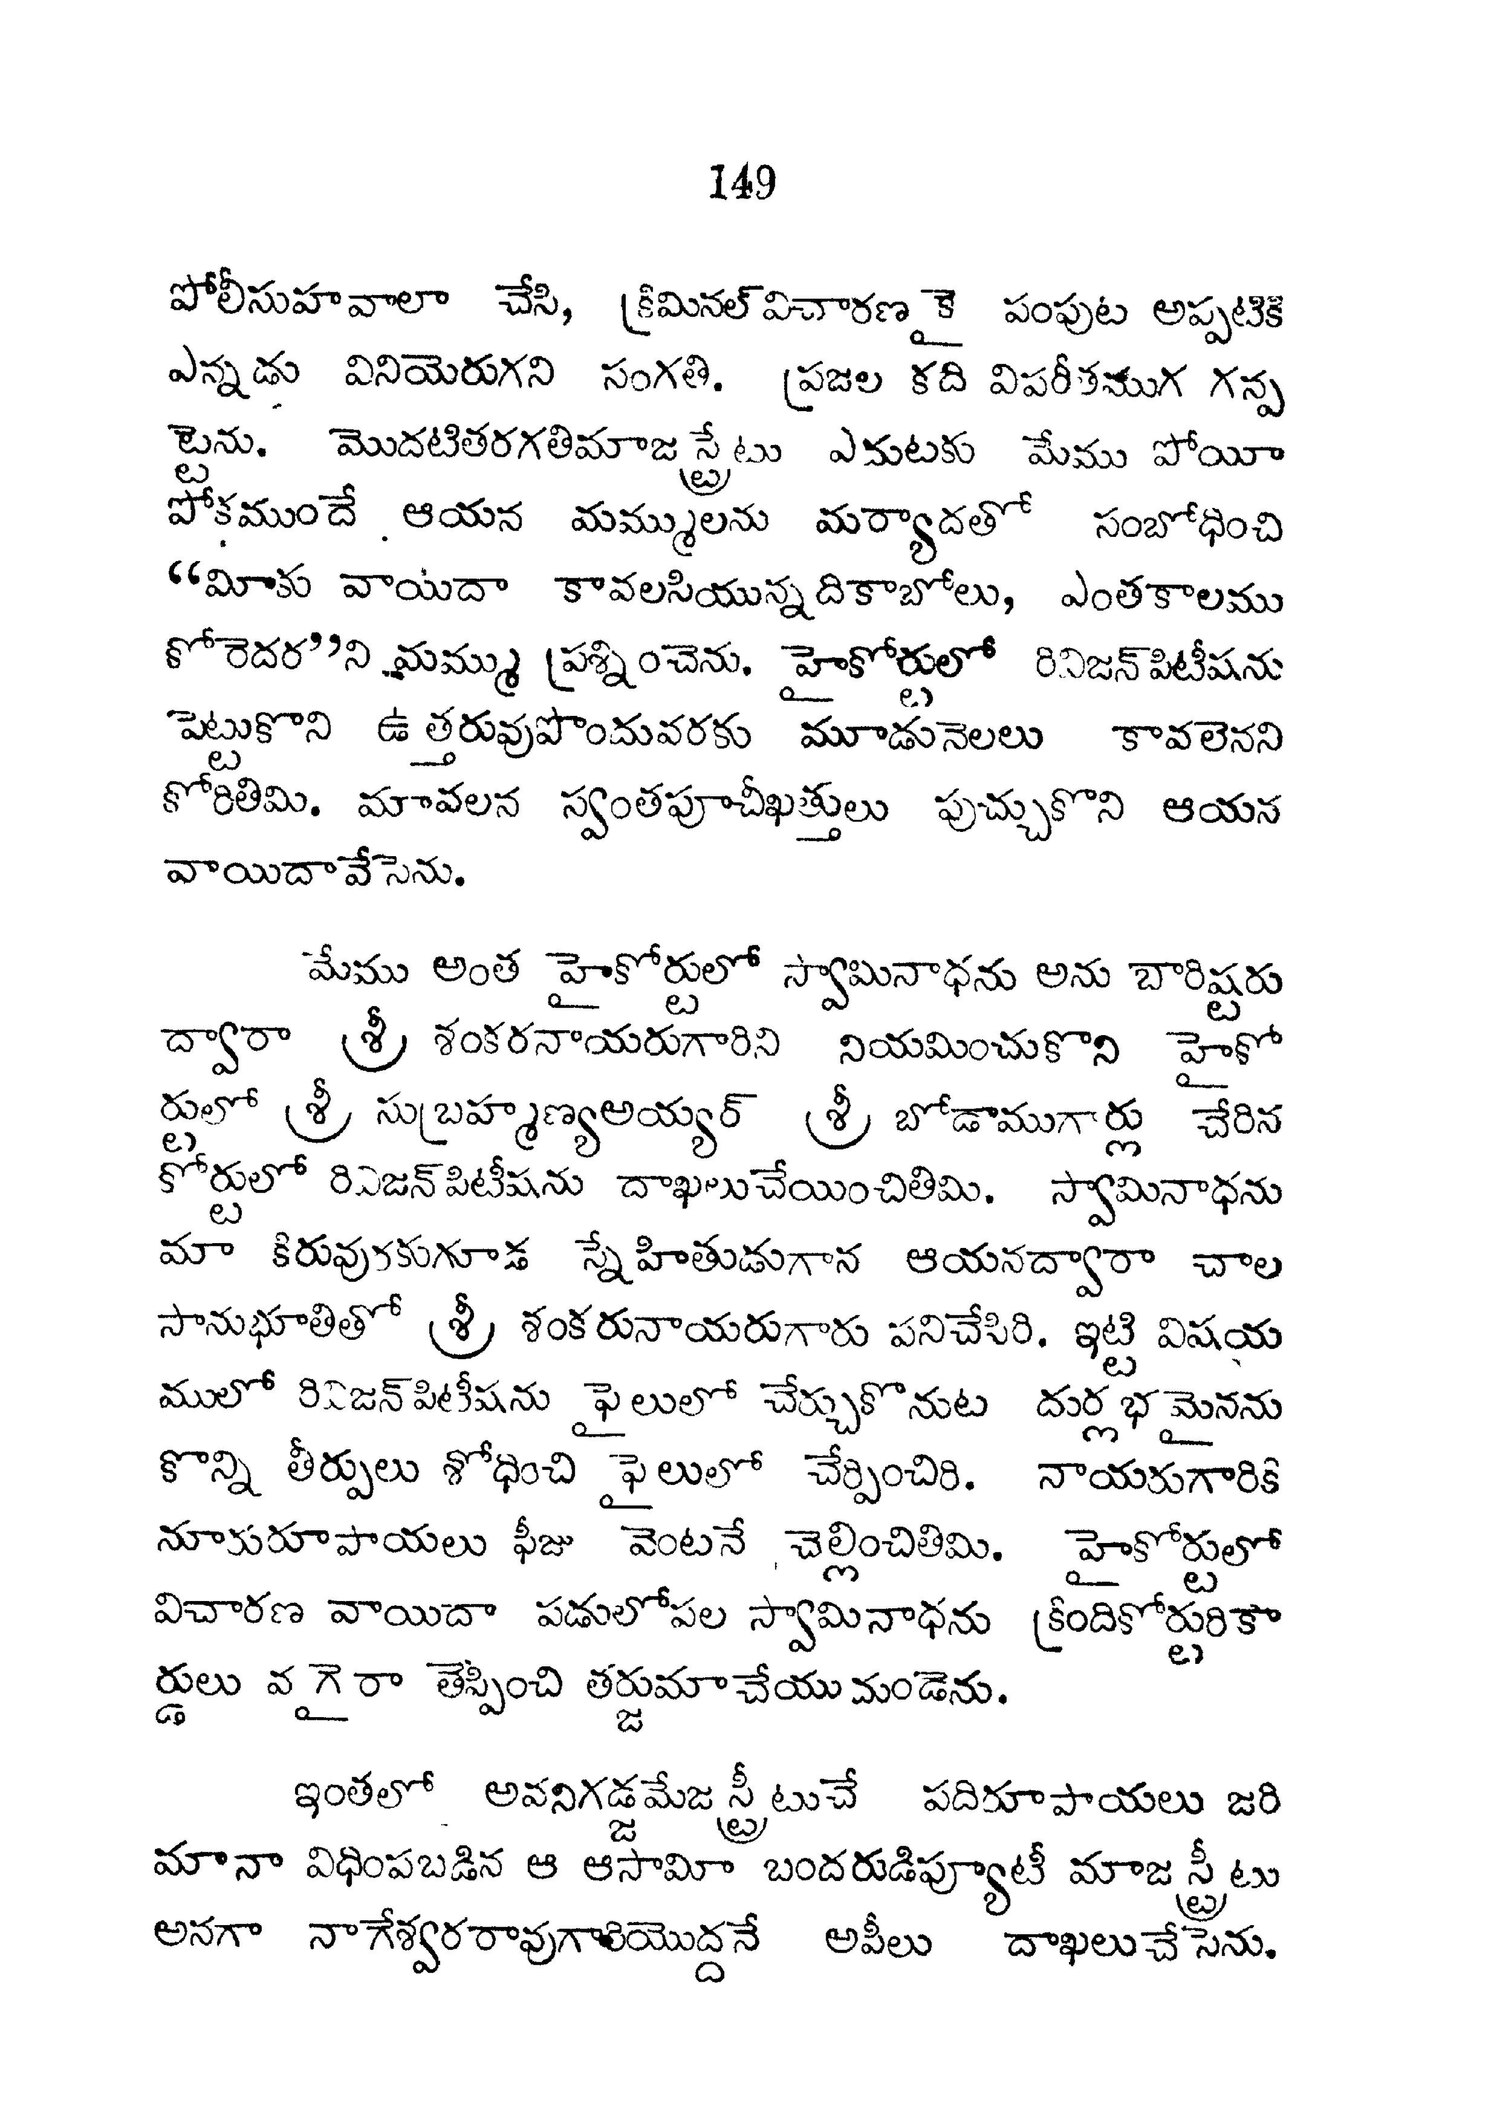పోలీసుహవాలా చేసి, క్రిమినల్‌విచారణకై పంపుట అప్పటికి ఎన్నడు వినియెరుగని సంగతి. ప్రజల కది విపరీతముగ గన్పట్టెను. మొదటితరగతిమాజస్ట్రేటు ఎదుటకు మేము పోయీ పోకముందే ఆయన మమ్ములను మర్యాదతో సబోధించి "మీకు వాయిదా కావలసియున్నదికాబోలు, ఎంతకాలము కోరెదర"ని మమ్ము ప్రశ్నించెను.హైకోర్టులో రివిజన్‌పిటిషను పెట్టుకొని ఉత్తరువుపొందువరకు మూడునెలలు కావలెనని కోరితిమి, మావలన స్వంతపూచీఖత్తులు పుచ్చుకొని ఆయన వాయిదావేసెను.

మేము అంత హైకోర్టులో స్వామినాధను అను బారిష్టరు ద్వారా శ్రీ శంకరనాయరుగారిని నియమించుకొని హైకోర్టులో శ్రీ సుబ్రహ్మణ్య అయ్యర్ శ్రీ బోడాముగార్లు చేరిన కోర్టులో రివిజన్‌పిటిషను దాఖలుచేయించితిమి. స్వామినాధను మా కిరువురకుగూడ స్నేహితుడుగాన ఆయనద్వారా చాల సానుభూతితో శ్రీ శంకరునాయరుగారు పనిచేసిరి. ఇట్టి విషయములో రివిజన్‌పిటిషను ఫైలులో చేర్చుకొనుట దుర్లభమైనను కొన్ని తీర్పులు శోధించి ఫైలులో చేర్పించిరి. నాయరుగారికి నూరురూపాయలు ఫీజు వెంటనే చెల్లించితిమి. హైకోర్టులో విచారణ వాయిదా పడులోపల స్వామినాధను క్రిందికోర్టురికార్డులు వగైరా తెప్పించి తర్జుమాచేయుచుండెను.

ఇంతలో అవనిగడ్డమేజస్ట్రేటుచే పదిరూపాయలు జరిమానా విధింపబడిన ఆ ఆసామీ బందరుడిప్యూటీ మాజస్ట్రేటు అనగా నాగేశ్వరరావుగారియొద్దనే అపీలు దాఖలుచేసెను.